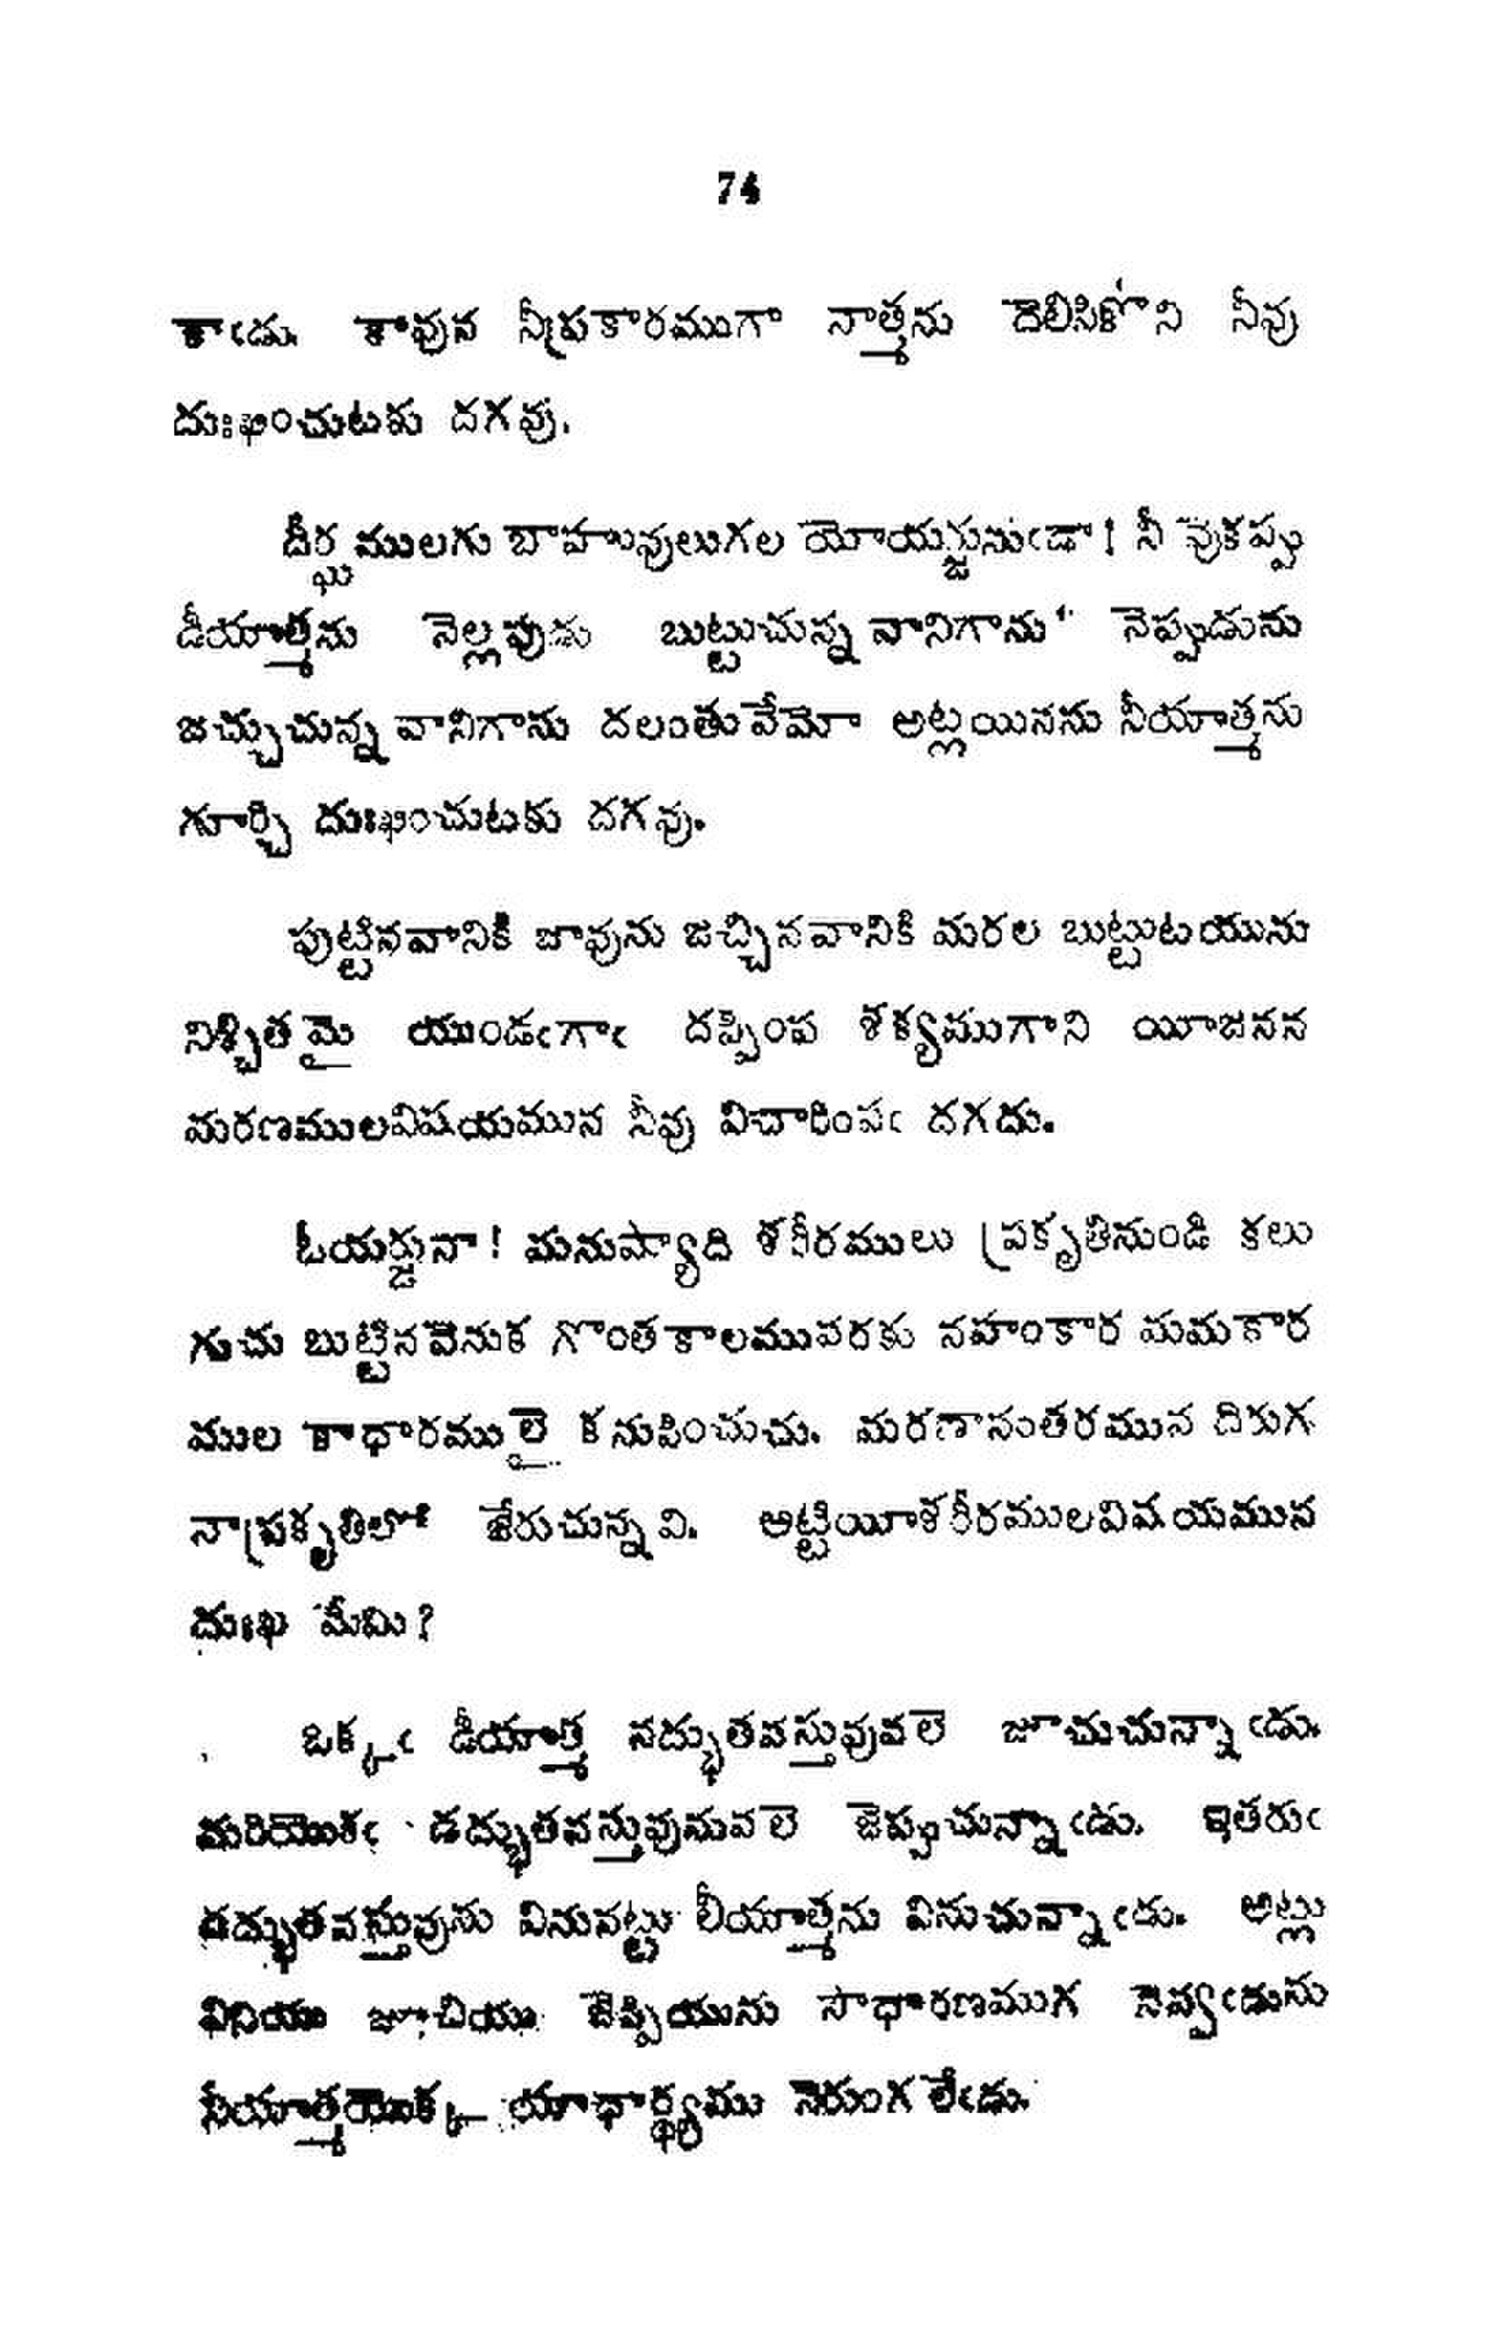కాఁడు. కావున నీప్రకారముగా నాత్మను దెలిసికొని నీవు దుఃఖించుటకు దగవు.

దీర్ఘములగు బాహువులుగల యోయర్జునుఁడా ! నీ వొకప్పుడీయాత్మను నెల్లపుడు బుట్టుచున్న వానిగాను నెప్పుడును జచ్చుచున్న వానిగాను దలంతువేమో అట్లయినను నీయాత్మను గూర్చి దుఃఖించుటకు దగవు.

పుట్టినవానికి జావును జచ్చినవానికి మరల బుట్టుటయును నిశ్చితమై యుండఁగాఁ దప్పింప శక్యముగాని యీజనన మరణములవిషయమున నీవు విచారింపఁ దగదు.

ఓయర్జునా ! మనుష్యాది శరీరములు ప్రకృతినుండి కలుగుచు బుట్టినవెనుక గొంతకాలమువరకు నహంకార మమకారముల కాధారములై కనుపించుచు. మరణానంతరమున దిరుగ నాప్రకృతిలో జేరుచున్న వి. అట్టియీశరీరములవివయమున దుఃఖ మేమి?

ఒక్కఁ డీయాత్మ నద్భుతపస్తువువలె జూచుచున్నాఁడు. మరియొకఁ డద్భుతవస్తువునువలె జెప్పుచున్నాఁడు. ఇతరుఁ డద్భుతవస్తువును వినునట్టు లీయాత్మను వినుచున్నాఁడు. అట్లు వినియు జూచియు జెప్పియును సాధారణముగ నెవ్వఁడును నీయాత్మయొక్క యాధార్థ్యము నెరుంగ లేఁడు.